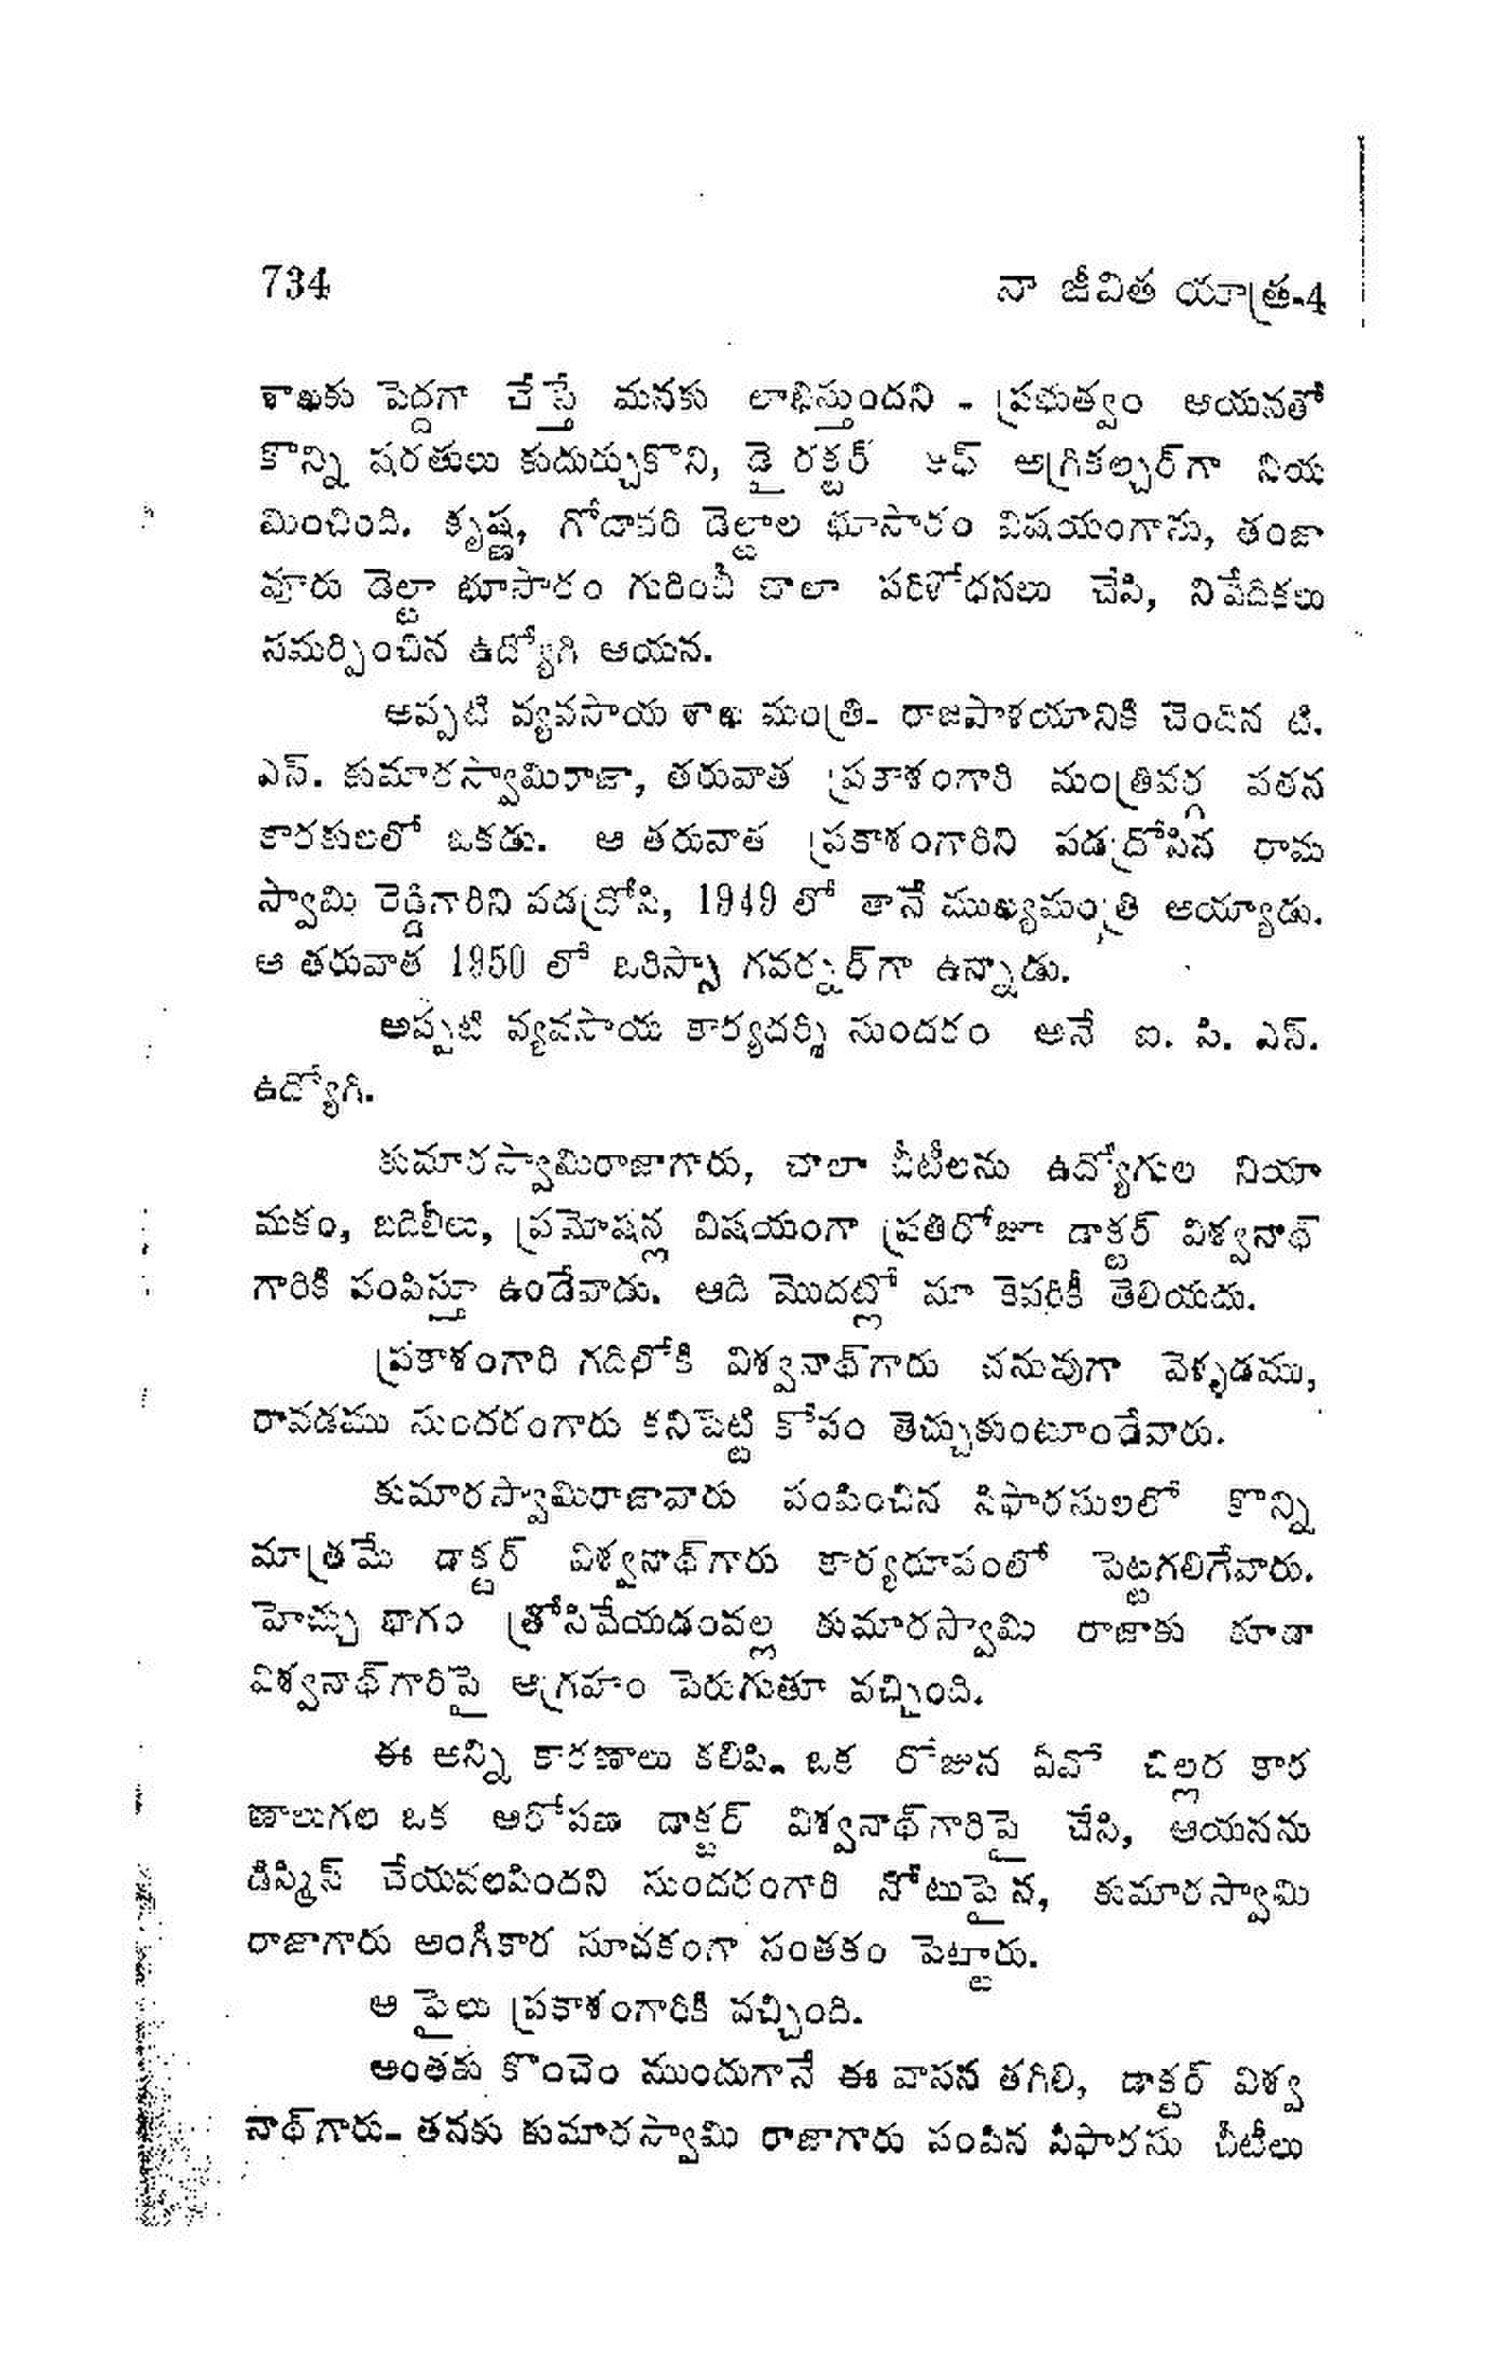శాఖకు పెద్దగా చేస్తే మనకు లాభిస్తుందని - ప్రభుత్వం ఆయనతో కొన్ని షరతులు కుదుర్చుకొని, డైరక్టర్ ఆఫ్ అగ్రికల్చర్‌గా నియమించింది. కృష్ణ, గోదావరి డెల్టాల భూసారం విషయంగాను, తంజావూరు డెల్టా భూసారం గురించీ చాలా పరిశోధనలు చేసి, నివేదికలు సమర్పించిన ఉద్యోగి ఆయన.

అప్పటి వ్యవసాయ శాఖ మంత్రి - రాజపాళయానికి చెందిన టి. ఎస్. కుమారస్వామిరాజా, తరువాత ప్రకాశంగారి మంత్రివర్గ పతన కారకులలో ఒకడు. ఆ తరువాత ప్రకాశంగారిని పడద్రోసిన రామస్వామి రెడ్డిగారిని పడద్రోసి, 1949 లో తానే ముఖ్యమంత్రి అయ్యాడు. ఆ తరువాత 1950 లో ఒరిస్సా గవర్నర్‌గా ఉన్నాడు.

అప్పటి వ్యవసాయ కార్యదర్శి సుందరం అనే ఐ.సి.ఎస్. ఉద్యోగి.

కుమారస్వామిరాజాగారు, చాలా చీటీలను ఉద్యోగుల నియామకం, బదిలీలు, ప్రమోషన్ల విషయంగా ప్రతిరోజూ డాక్టర్ విశ్వనాథ్ గారికి పంపిస్తూ ఉండేవాడు. అది మొదట్లో మా కెవరికీ తెలియదు.

ప్రకాశంగారి గదిలోకి విశ్వనాథ్‌గారు చనువుగా వెళ్ళడము, రావడము సుందరంగారు కనిపెట్టి కోపం తెచ్చుకుంటూండేవారు.

కుమారస్వామిరాజావారు పంపించిన సిఫారసులలో కొన్ని మాత్రమే డాక్టర్ విశ్వనాథ్‌గారు కార్యరూపంలో పెట్టగలిగేవారు. హెచ్చు భాగం త్రోసివేయడంవల్ల కుమారస్వామి రాజాకు కూడా విశ్వనాథ్‌గారిపై ఆగ్రహం పెరుగుతూ వచ్చింది.

ఈ అన్ని కారణాలు కలిపి - ఒక రోజున ఏవో చిల్లర కారణాలుగల ఒక ఆరోపణ డాక్టర్ విశ్వనాథ్‌గారిపై చేసి, ఆయనను డిస్మిస్ చేయవలసిందని సుందరంగారి నోటుపైన, కుమారస్వామి రాజాగారు అంగీకార సూచకంగా సంతకం పెట్టారు.

ఆ ఫైలు ప్రకాశంగారికి వచ్చింది.

అంతకు కొంచెం ముందుగానే ఈ వాసన తగిలి, డాక్టర్ విశ్వనాథ్‌గారు - తనకు కుమారస్వామి రాజాగారు పంపిన సిఫారసు చీటీలు